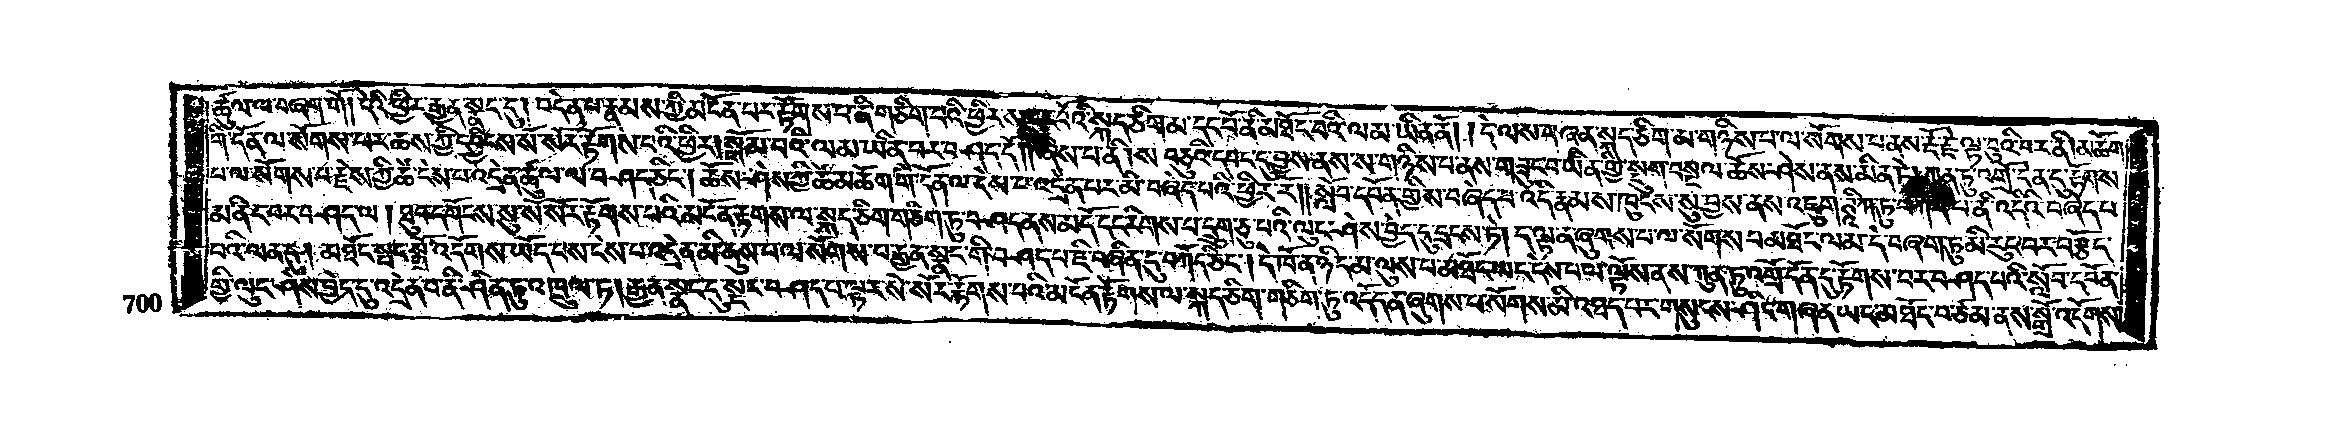ཚུལ་ལ་བཞག་གོ །དེའི་ཕྱིར་རྒྱན་སྣང་དུ། བདེན་པ་རྣམས་ཀྱི་མངོན་པར་རྟོགས་པ་ནི་གཅིག་པའི་ཕྱིར་ས་དང་པོའི་སྐད་ཅིག་མ་དང་པོ་ནི་མཐོང་བའི་ལམ་ཡིན་ནོ། །དེ་ལས་གཞན་སྐད་ཅིག་མ་གཉིས་པ་ལ་སོགས་པ་ནས་རྡོ་རྗེ་ལྟ་བུའི་བར་ནི། མཆོག་
གི་དོན་ལ་སོགས་པར་ཆོས་ཀྱི་དབྱིངས་སོ་སོར་རྟོགས་པའི་ཕྱིར། སྒོམ་པའི་ལམ་ཡིན་པར་བཤད་དོ། །ཞེས་པ་ནི། ས་བཅུའི་དབང་དུ་བྱས་ནས་ས་གཉིས་པ་ནས་གཟུང་བ་ཡིན་གྱི་སྡུག་བསྔལ་ཆོས་ཤེས་ནས་མིན་ཏེ། ཀུན་ཏུ་འགྲོ་དོན་དུ་རྟོགས་
པ་ལ་སོགས་པ་རྗེས་ཀྱི་ཚེ་ངེས་པ་འདྲེན་ཚུལ་ལ་བཤད་ཅིང་། ཆོས་ཤེས་ཀྱི་ཚེ་མཆོག་གི་དོན་ལ་ངེས་པ་འདྲེན་པར་མི་བཞེད་པའི་ཕྱིར་རོ། །སློབ་དཔོན་གྱིས་བཞེད་པ་འདི་རྣམས་ཁུངས་སུ་བྱས་ནས་འཇུག་ཊཱིཀ་ཏུ་བཀོད་པ་ནི་འདིའི་བཞེད་པ་
མ་ནོར་བར་བཤད་ལ། ཐུབ་དགོངས་སུ་སོ་སོར་རྟོགས་པའི་མངོན་རྟགས་ལ་སྐད་ཅིག་གཅིག་ཏུ་བཤད་ནས་མདོ་དང་རིགས་པ་དྲུག་ཅུ་པའི་ལུང་ཤེས་བྱེད་དུ་དྲངས་ཏེ། ད་ལྟ་ན་ཞུགས་པ་ལ་སོགས་པ་མཐོང་ལམ་དེ་བཞག་ཏུ་མི་རུང་བར་བརྩོད་
པའི་ལན་དུ། མཐོང་སྤང་སྒྲོ་འདོགས་ཡོད་པས་ངེས་པ་འདྲེན་མི་ནུས་པ་ལ་སོགས་པ་རྒྱན་སྣང་གི་བཤད་པ་ཇི་བཞིན་དུ་བཀོད་ཅིང་། དེ་ཁོ་ན་ཉིད་མ་ལུས་པ་མཐོང་ཡང་ངེས་པ་ལ་ལྟོས་ནས་ཀུན་ཏུ་འགྲོ་དོན་དུ་རྟོགས་པར་བཤད་པའི་སློབ་དཔོན་
གྱི་ལུང་ཤེས་བྱེད་དུ་འདྲེན་པ་ནི་ཤིན་ཏུ་འཁྲུལ་ཏེ། རྒྱན་སྣང་དུ་སྔར་བཤད་པ་ལྟར་སོ་སོར་རྟོགས་པའི་མངོན་རྟོགས་ལ་སྐད་ཅིག་གཅིག་ཏུ་འདོད་ན་ཞུགས་པ་སོགས་མི་འཐད་པར་གསུངས་ཤིང་གཞན་ཡང་མཐོང་བ་ཙམ་ནས་སྒྲོ་འདོགས་